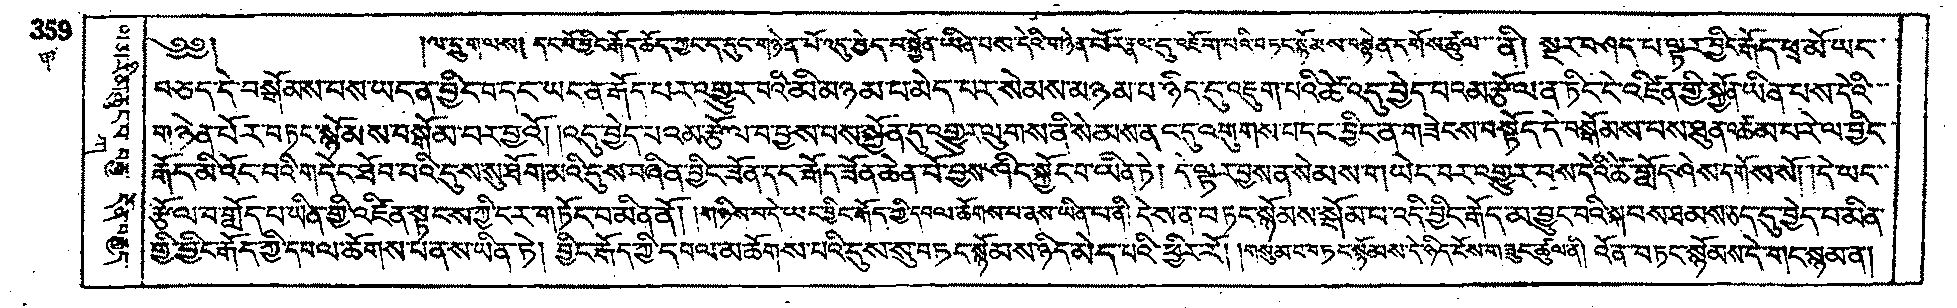༄༅། ། ལ་དྲུག་ལས། དང་པོ་བྱིང་རྒོད་ཆོད་ཀྱང་ད་དུང་གཉེན་པོ་འདུ་བྱེད་པ་སྐྱོན་ཡིན་པས་དེའི་གཉེན་པོར་རྣལ་དུ་འཇོག་པའི་བཏང་སྙོམས་བསྟེན་དགོས་ཚུལནི། སྔར་བཤད་པ་ལྟར་བྱིང་རྒོད་ཕྲ་མོ་ཡང་
བཅད་དེ་བསྒོམས་པས་ཡང་ན་བྱིང་བ་དང་ཡང་ན་རྒོད་པར་འགྱུར་བའི་མི་མཉམ་པ་མེད་པར་སེམས་མཉམ་པ་ཉིད་དུ་འཇུག་པའི་ཚེ་འདུ་བྱེད་པའམ་རྩོལ་ན་ཏིང་ངེ་འཛིན་གྱི་སྐྱོན་ཡིན་པས་དེའི་
གཉེན་པོར་བཏང་སྙོམས་བསྒོམ་པར་བྱའོ། །འདུ་བྱེད་པའམ་རྩོལ་བ་བྱས་པས་སྐྱོན་དུ་འགྱུར་ལུགས་ནི་སེམས་ནང་དུ་འགུགས་པ་དང་བྱིན་ན་གཟེངས་བསྟོད་དེ་བསྒོམས་པས་ཐུན་འཚམ་པ་རེ་ལ་བྱིང་
རྒོད་མི་འོང་བའི་གདེང་ཐོབ་པའི་དུས་སུ་ཐོག་མའི་དུས་བཞིན་བྱིང་ཟོན་དང་རྒོད་ཟོན་ཆེན་པོ་བྱས་ཤིང་སྐྱོང་བ་ཡིན་ཏེ། དེ་ལྟར་བྱས་ན་སེམས་གཡེང་བར་འགྱུར་བས་དེའི་ཚེ་གློད་ཤེས་དགོས་སོ། །དེ་ཡང་
རྩོལ་བ་གློད་པ་ཡིན་གྱི་འཛིན་སྟངས་ཀྱི་ངར་གཏོང་བ་མིན་ནོ། །གཉིས་པ་དེ་ཡང་བྱིང་རྒོད་ཀྱི་དབལ་ཆོགས་པ་ནས་ཡིན་པ་ནི།  དེས་ན་བཏང་སྙོམས་སྒོམ་པ་འདི་བྱིང་རྒོད་མ་བྱུང་བའི་སྐབས་ཐམས་ཅད་དུ་བྱེད་པ་མིན་
གྱི་བྱིང་རྒོད་ཀྱི་དབལ་ཆོགས་པ་ནས་ཡིན་ཏེ། བྱིང་རྒོད་ཀྱི་དབལ་མ་ཆོགས་པའི་དུས་སུ་བཏང་སྙོམས་ཉིད་མེད་པའི་ཕྱིར་རོ། །གསུམ་པ་བཏང་སྙོམས་དེ་ཉིད་ངོས་གཟུང་ཚུལ་ནི།  འོ་ན་བཏང་སྙོམས་དེ་གང་སྙམ་ན།